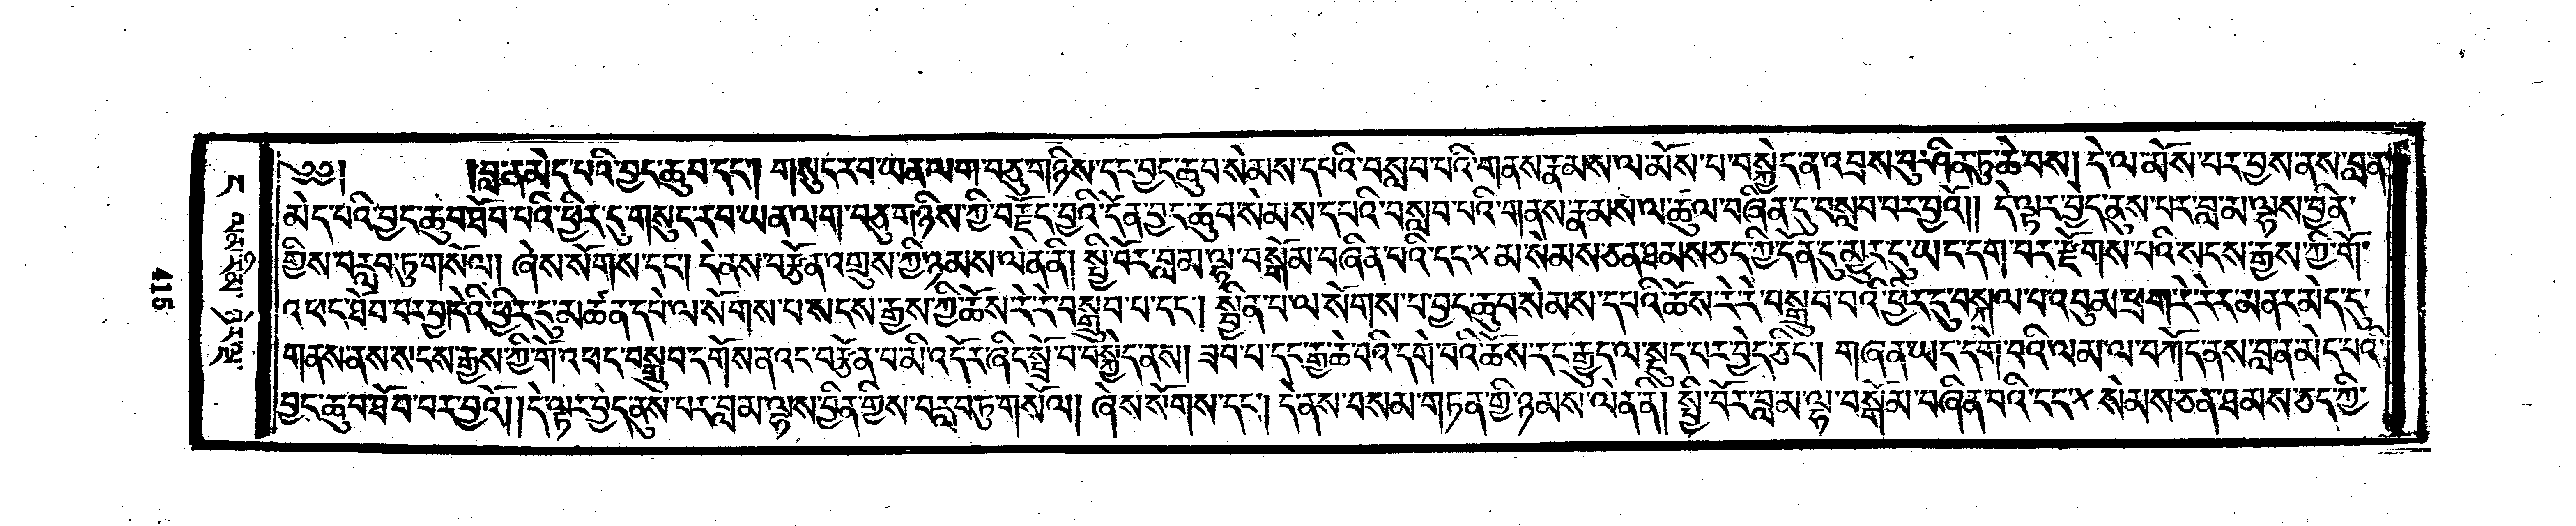༄༅། །བླ་ན་མེད་པའི་བྱང་ཆུབ་དང་། གསུང་རབ་ཡན་ལག་བཅུ་གཉིས་དང་བྱང་ཆུབ་སེམས་དཔའི་བསླབ་པའི་གནས་རྣམས་ལ་མོས་པ་བསྐྱེད་ན་འབྲས་བུ་ཤིན་ཏུ་ཆེ་བས། དེ་ལ་མོས་པར་བྱས་ནས་བླ་ན་
མེད་པའི་བྱང་ཆུབ་ཐོབ་པའི་ཕྱིར་དུ་གསུང་རབ་ཡན་ལག་བཅུ་གཉིས་ཀྱི་བརྗོད་བྱའི་དོན་བྱང་ཆུབ་སེམས་དཔའི་བསླབ་པའི་གནས་རྣམས་ལ་ཚུལ་བཞིན་དུ་བསླབ་པར་བྱའོ། །དེ་ལྟར་བྱེད་ནུས་པར་བླ་མ་ལྷས་བྱིན་
གྱིས་བརླབ་ཏུ་གསོལ། ཞེས་སོགས་དང་། དེ་ནས་བརྩོན་འགྲུས་ཀྱི་ཉམས་ལེན་ནི། སྤྱི་བོར་བླ་མ་ལྷ་བསྒོམ་བཞིན་པའི་ངང་྾་མ་སེམས་ཅན་ཐམས་ཅད་ཀྱི་དོན་དུ་མྱུར་དུ་ཡང་དག་པར་རྫོགས་པའི་སངས་རྒྱས་ཀྱི་གོ་
འཕང་ཐོབ་པར་བྱ། དེའི་ཕྱིར་དུ་མཚན་དཔེ་ལ་སོགས་པ་སངས་རྒྱས་ཀྱི་ཆོས་རེ་རེ་བསྒྲུབ་པ་དང་། སྦྱིན་པ་ལ་སོགས་པ་བྱང་ཆུབ་སེམས་དཔའི་ཆོས་རེ་རེ་བསྒྲུབ་པའི་ཕྱིར་དུ་བསྐལ་པ་འབུམ་ཕྲག་རེ་རེར་མནར་མེད་དུ་
གནས་ནས་སངས་རྒྱས་ཀྱི་གོ་འཕང་བསྒྲུབ་དགོས་ནའང་བརྩོན་པ་མི་འདོར་ཞིང་སྤྲོ་བ་བསྐྱེད་ནས། ཟབ་པ་དང་རྒྱ་ཆེ་བའི་དགེ་བའི་ཆོས་རང་རྒྱུད་ལ་སྡུད་པར་བྱེད་ཅིང་། གཞན་ཡང་དགེ་བའི་ལམ་ལ་བཀོད་ནས་བླ་ན་མེད་པའི་
བྱང་ཆུབ་ཐོབ་པར་བྱའོ། །དེ་ལྟར་བྱེད་ནུས་པར་བླ་མ་ལྷས་བྱིན་གྱིས་བརླབ་ཏུ་གསོལ། ཞེས་སོགས་དང་། དེ་ནས་བསམ་གཏན་གྱི་ཉམས་ལེན་ནི། སྤྱི་བོར་བླ་མ་ལྷ་བསྒོམ་བཞིན་པའི་ངང་྾་སེམས་ཅན་ཐམས་ཅད་ཀྱི་